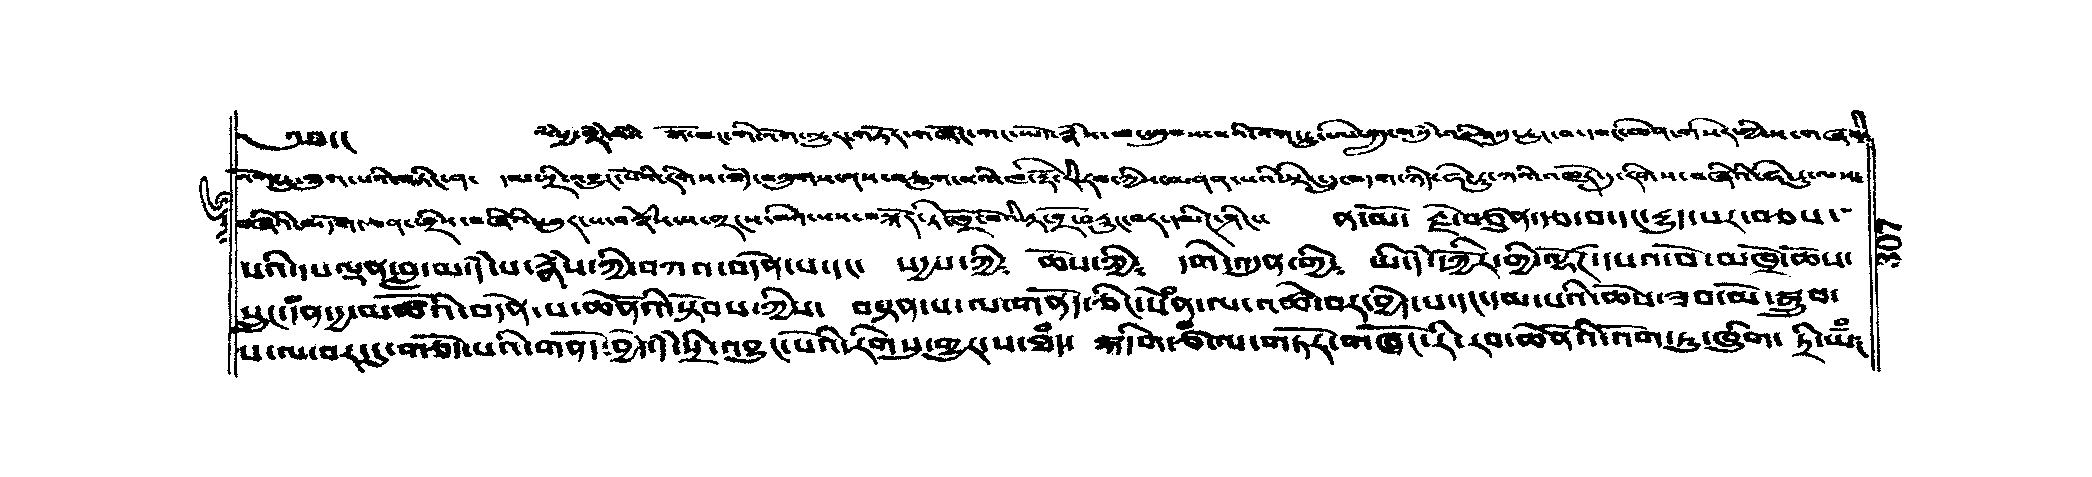ལམ་རྒྱ་བྲམ་མམ། སྒོ་ཁང་གི་འོག་ལྟ་བུར་གཏོར་གཞོང་གང་ཡོད་རྣམས་བ་སྤུབས་པའི་འོག་ཏུ་ཨེ་གྲུ་གསུམ་འཇིགས་སུ་རུང་བ་དབང་ཆེན་གསེར་གྱི་ས་གཞི་
འོག་ཏུ་ཐུག་པའི་གཏིང་ན། དམ་སྲི་འབྱུང་པོའི་རིགས་ཐམས་ཅད་བཀུག་ནས་བཅུག་པའི་ཁ་རྡོ་རྗེ་རི་རབ་ཀྱི་མནན་པའི་སྟེང་དུ་བདག་ཉིད་ཧེ་རུ་ཀའི་འཁོར་དུ་རིགས་བཞིའི་ཧེ་རུ་ལས་
བཞི་མདོག་ཅན་ཕྲིན་ལས་བཞིའི་ཕུར་པ་བསྣམས་པ་གྲངས་མེད་པས་བསྐོར་ཏེ་ཁྲོ་བོའི་རྟ་བྲོ་བརྡུང་བར་དམིགས་ཤིང་། ན་མོ། རྗེ་བཙུན་རྩ་བ་དང་རྒྱུད་པར་བཅས་
པའི་དཔལ་ལྡན་བླ་མ་དམ་པ་རྣམས་ཀྱི་བཀའ་བདེན་པ་དང་། སངས་རྒྱས་ཀྱི་༴ ཆོས་ཀྱི་༴ དགེ་འདུན་གྱི་༴ ཡི་དམ་དཀྱིལ་འཁོར་གྱི་ལྷ་ཚོགས་དཔའ་བོ་མཁའ་འགྲོ་ཆོས་
སྲུང་དམ་ཅན་རྒྱ་མཚོའི་བདེན་པ་ཆེན་པོའི་སྟོབས་ཀྱིས། བསྟན་པ་ལ་གནོད་ཅིང་སེམས་ཅན་ལ་འཚེ་བར་བྱེད་པ་དང་དམ་པའི་ཆོས་ཟབ་མོ་སྒྲུབ་
པ་ལ་བར་དུ་གཅོད་པའི་གནོད་བྱེད་དམ་སྲི་འབྱུང་པོའི་རིགས་སུ་གྱུར་པ་ཐམས་ཅད་སྐད་ཅིག་ཙམ་ལ་གཏོར་གཞོང་རི་རབ་ཆེན་པོའི་འོག་ཏུ་ཁུག་ཅིག་ཏྲི་ཡྃ་